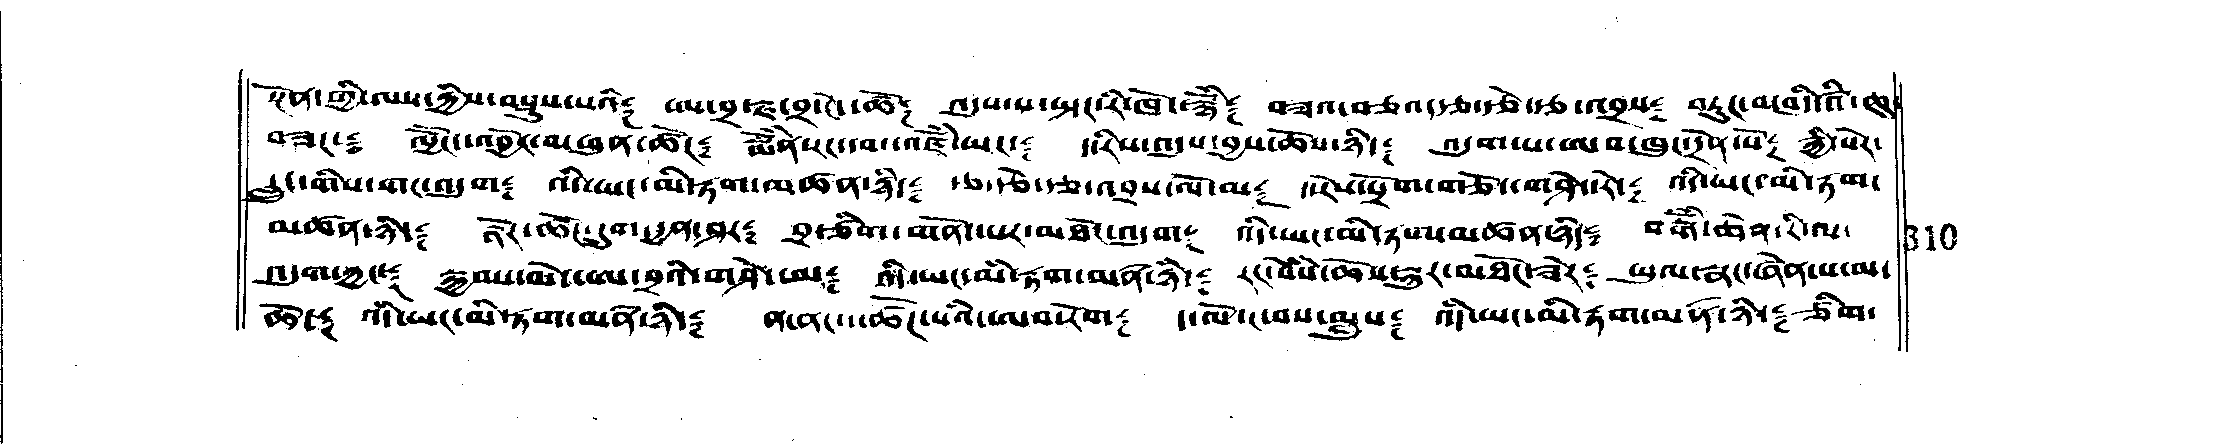།སྔོན་གྱི་ལས་ཀྱིས་བསྡུས་པའི། །ཨ་བྲ་རྫ་བྲ་ངེད་ཚོ། །འདུས་པ་སྤང་རི་ཁོད་སྙོམ། །བཟའ་བཅའ་རྩ་རྩེ་རྩ་འབྲས། །བཏུང་བ་བདུད་རྩིའི་ཆུ་
བཟང་། །ལོངས་སྤྱོད་འབྱོར་བ་ཕུན་ཚོགས། །སྨོན་ལམ་རང་དབང་འཛོམ་ཡང་། །ད་རིས་འདུས་བྱས་ཆོས་ཉིད། །འདུག་པ་ཨབ་ཁུང་དྲོན་པོ། །སྐྱི་སེར་
རླུང་གིས་གང་འདུག །འདི་ཡང་མི་རྟག་མཚན་ཉིད། །རྩ་རྩེ་རྩ་འབྲས་ལོ་མ། །ད་རེས་སྲོག་གཅོད་གཤེད་རེད། །འདི་ཡང་མི་རྟག་
མཚན་ཉིད། །རྣལ་འབྱོར་ཚོགས་དྲུག་རྒྱན་ཤར། །བྲ་ཙིག་གནོད་པར་མཐོང་འདུག །འདི་ཡང་མི་རྟག་མཚན་ཉིད། །བསྒོམ་ཆེན་རི་ལ་
འདུག་ཀྱང་། །སྐྱབས་མེད་ཨ་བྲའི་གཤེད་ལ། །འདི་ཡང་མི་རྟག་མཚན་ཉིད། །རང་སེམས་ཆོས་སྐུར་མཐོང་ཟེར། །ཡུལ་སྣང་ཞེན་པ་མ་
ཆོད། །འདི་ཡང་མི་རྟག་མཚན་ཉིད། །ན་ནང་འཚོགས་པའི་ཨབ་རོག །ད་ལོ་ང་བས་མ་ལུས། །འདི་ཡང་མི་རྟག་མཚན་ཉིད། །ཙིག་